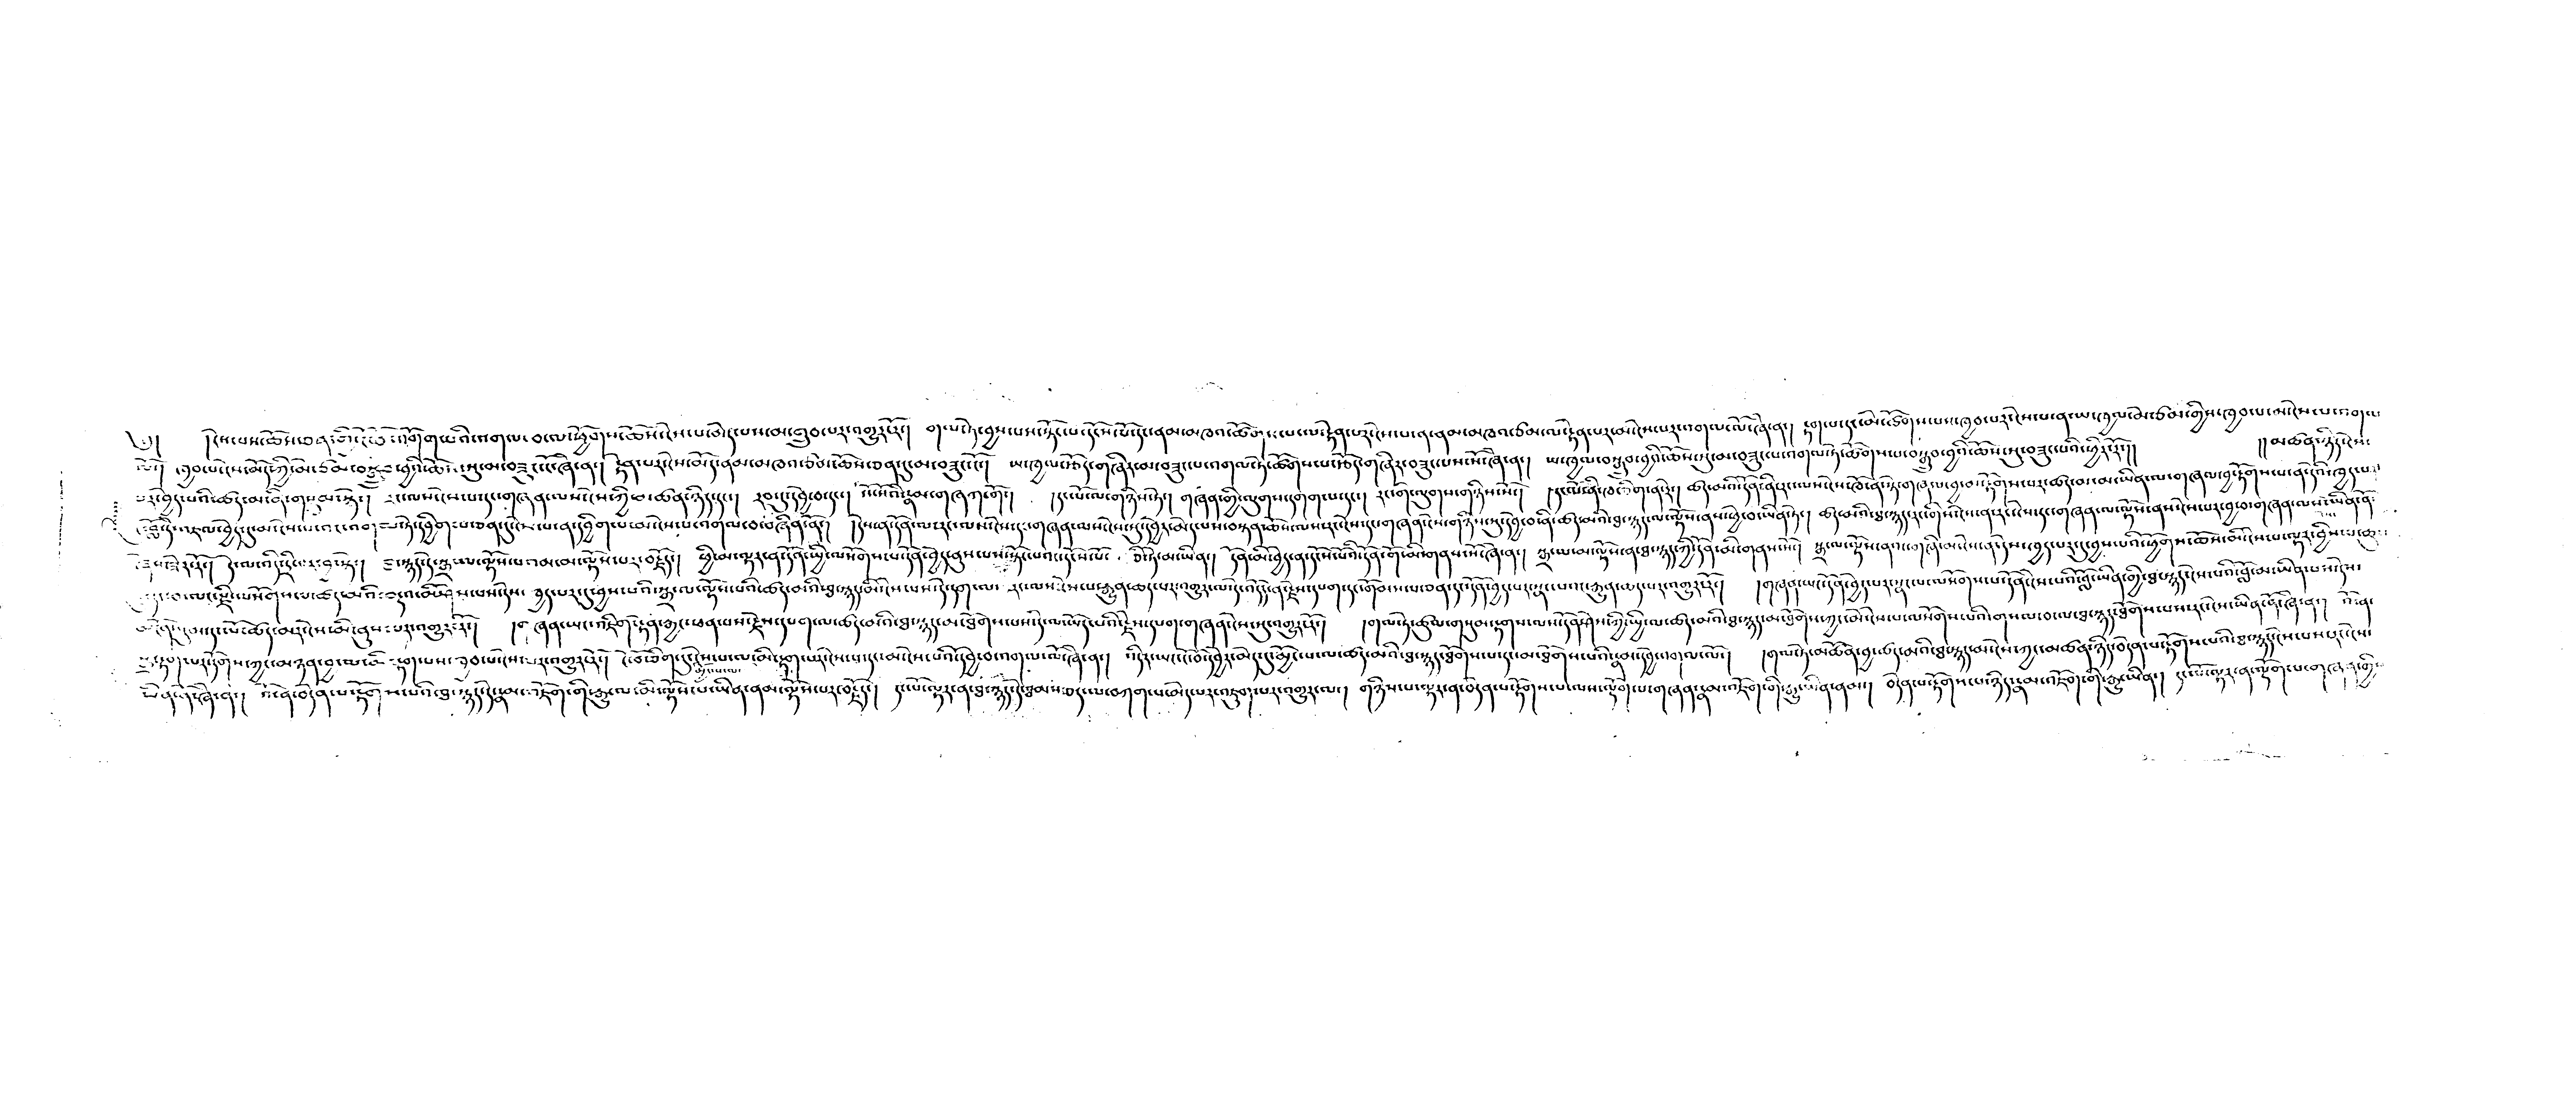༈། །ངེས་པས་ཆོས་ཅན་གྱི་ངོ་བོ་འགོག་པའི་འགལ་བ་ལ་ཕྱོགས་ཆོས་ངེས་པ་མེད་པས་མ་གྲུབ་པར་འགྱུར་རོ། གལ་ཏེ་བྱས་པས་སྟོང་པ་དངོས་པོ་དང་ནམ་མཁའ་ཚོགས་པ་ལ་རྟེན་པར་ངེས་པ་ན་ནམ་མཁའ་ཙམ་ལ་རྟེན་པར་མ་ངེས་པར་འགལ་ལོ་ཞེ་ན། རྟག་པ་དང་མེ་ཚོགས་པས་ཁྱབ་པར་ངེས་པ་ན་ཡང་བྱལ་མེ་ཙམ་གྱིས་ཁྱབ་པ་མ་ངེས་པ་འགལ་
ལོ། ཁྱབ་པ་ངེས་མོད་ཀྱི་མེ་ཙམ་བསྒྲུབ་བའི་ཆོས་སུ་མ་བཟུང་ངོ་ཞེ་ན། རྟེན་པར་ངེས་མོད་ནམ་མཁའ་ཙམ་ཆོས་ཅན་དུ་མ་བཟུང་ངོ། ཡ་ཁྱལ?་བཅོད་གཞིར་མ་བཟུང་པ་འགལ་ཏེ་ཚོགས་པ་རྩོད་གཞིར་བཟུང་པས་སོ་ཞེ་ན། ཡ་ཁྱལ་བསྒྲུབ་བྱའི་ཆོས་སུ་མ་བཟུང་པ་འགལ་ཏེ་ཚོགས་པ་བསྒྲུབ་བྱའི་ཆོས་སུ་བཟུང་པའི་ཕྱིར་རོ།། །།མཚན་ཉིད་ངེས་
པར་བྱེད་པའི་ཚད་མ་ནི་གསུམ་སྟེ། རང་ལས་ངེས་པ་དང་གཞན་ལས་ངེས་ཀྱི་མཚན་ཉིད་དང་། རབ་དུ་དབྱེ་བ་དང་། སོ་སོའི་རྣམ་གཞག་གོ། །དང་པོ་ལ་གཉིས་ཏེ། གཞན་གྱི་ལུགས་དགག་པ་དང་། རང་གི་ལུགས་གཉིས་སོ། །དང་པོ་ནི་ཁ་ཅིག་ན་རེ། ཚད་མའི་དོན་ནི་རང་ལས་ངེས་ཁོ་ན་ཏེ་གཞལ་བྱ་བ་རྟོགས་པར་ཚད་མ་མ་ཡིན་ལ་གཞལ་བྱ་རྟོགས་པ་ན་དེའི་ཁྱད་པར་
བློ་དེ་འཇལ་བྱེད་དུ་མ་ངེས་པ་འང་འགལ་ཏེ་དབྱིག་པ་ཅན་དུ་ངེས་པ་ན་དབྱིག་པ་མ་ངེས་པ་འགལ་བ་བཞིན་ནོ། །དེས་ན་དོན་ལ་རང་ལས་ངེས་དང་གཞན་ལས་ངེས་དུ་དབྱེར་མེད་པས་བསྟན་ཆོས་ལས་རང་ངེས་དང་གཞན་ངེས་གཉིས་སུ་དབྱེ་བ་ནི་ཚད་མའི་ཐ་སྙད་ལ་ལྟོས་ནས་ཕྱེ་བ་ཡིན་ཏེ། ཚད་མའི་ཐ་སྙད་རང་གིས་ངེས་ན་རང་ངེས་ན་རང་གཞན་ལ་ལྟོས་ནས་ངེས་པར་བྱ་བ་གཞན་ལས་དེ་ཡིན་ནོ་
ཞེས་ཟེར་རོ། དེ་ལ་འདི་དྲི་བར་བྱ་སྟེ། ཐ་སྙད་དེ་སྒྲ་ལ་ལྟོས་པའམ་མ་ལྟོས་པར་བརྗོད། ཕྱི་མ་ལྟར་ན་དོན་སྤྱི་ལ་སོགས་པ་དོན་བྱེད་ནུས་པས་སྟོང་པའང་དངོས་པོ་ཅི་ཏེ་མ་ཡིན། དོན་མི་བྱེད་ན་དངོས་པོའི་དོན་གོ་མི་གནས་སོ་ཞེ་ན། སྒྲ་ལ་མ་ལྟོས་ན་ཐ་སྙད་ཀྱི་དོན་མི་གནས་སོ། སྒྲ་ལ་ལྟོས་ནའང་གཞི་ལ་ངེས་ན་དེས་དཔྱད་པར་དུ་བྱས་པའི་ཕྱོགས་ཆོས་མི་ངེས་པ་ལྟར་བྱིས་པ་ཆུང་
?་བ་ལང་རྗེ་ལ་སོགས་པ་ཚད་མའི་བརྡའ་མི་ཤེས་པས་དེས་ཁྱད་པར་དུ་བྱས་པའི་སྒྲ་ལ་ལྟོས་པའི་ཚད་མའི་ཐ་སྙད་མི་ངེས་པས་དེ་དག་ལ་རང་ལས་ཐོས་པ་རྒྱུན་ཆད་པར་འགྱུར་ལ་དེ་འདོད་ན་རྗེས་དཔག་དང་གོམས་པ་ཅན་དང་དོན་བྱེད་པར་སྣང་པའང་རྒྱུན་ཆད་པར་འགྱུར་རོ། །གཞན་ཡང་དོན་བྱེད་པར་སྣང་པ་ལ་སོགས་པ་དོན་ངེས་པའི་བློ་ཡིན་གྱི་ཐ་སྙད་ངེས་པའི་བློ་མ་ཡིན་པས་དེས་
མངོན་གསུམ་དང་པོ་མོད་མར་ངེས་མི་ནུས་པར་འགྱུར་རོ། །གཞན་ཡང་འཇིག་རྟེན་གྱི་ཕན་པས་རྗེས་དཔག་ལ་ཚད་མའི་ཐ་སྙད་མ་ཐོག་པས་དེ་ལ་ཡོད་པའི་རྗེས་དཔག་གཞན་ངེས་སུ་འགྱུར་རོ། །གལ་ཏེ་ཚུལ་གསུམ་རྟགས་ལས་དོན་ཤེས་ཀྱི་སྤྱི་ལ་ཚད་མའི་ཐ་སྙད་མ་ཐོགས་ཀྱང་མེ་ངེས་པ་ལ་སོགས་པའི་གསལ་བ་ལ་ཐ་སྙད་ཐོགས་པས་རང་ངེས་ཡིན་ནོ་ཞེ་ན། འོ་ན་
སྒྲ་རྟག་པར་རྟོགས་ཀྱང་མཉན་བྱ་མ་མི་རྟག་པས་ཁྱབ་པ་ངེས་པར་འགྱུར་རོ། ངོ་བོ་ཅིག་དུ་ངེས་པ་ལ་མི་རྟག་པར་ངེས་པ་དང་མ་ངེས་པའི་དབྱེ་བ་འགལ་ལོ་ཞེ་ན། འདིར་ཡང་ངོ་བོ་དབྱེ་མེད་དུ་མྱོང་པ་ལ་ཚད་མའི་ཐ་སྙད་ཐོགས་པ་རང་མ་ཐོགས་པའི་རྣམ་དབྱེ་འགལ་ལོ། །གལ་ཏེ་མཚོན་བྱ་ཚད་མའི་ཐ་སྙད་མ་ངེས་ཀྱང་མཚན་ཉིད་བདེན་པ་རྟོགས་པའི་ཐ་སྙད་ངེས་པས་རང་ངེས་
ཡིན་ནོ་ཞེ་ན། འོ་ན་བདེན་པ་རྟོགས་པའི་ཐ་སྙད་དེ་རྣམ་འཇོག་གི་རྒྱུ་ལ་མི་ལྟོས་པ་ཡིན་ནམ་ལྟོས་པར་བརྗོད། དང་པོ་ལྟར་ན་ཐ་སྙད་དེ་ཐམས་ཅད་ལ་བཀག་པ་མེད་པར་འཇུག་པར་འགྱུར་ལ། གཉིས་པ་ལྟར་ན་བདེན་པ་རྟོགས་པ་ལས་ལྡོག་པ་གཞན་རྣམ་འཇོག་གི་རྒྱུ་ཡིན་ནམ། བདེན་པ་རྟོགས་པ་ཉིད་རྣམ་འཇོག་གི་ཚུལ་ཡིན། དང་པོ་ལྟར་ན་ལྡོག་པ་གཞན་གྱི་